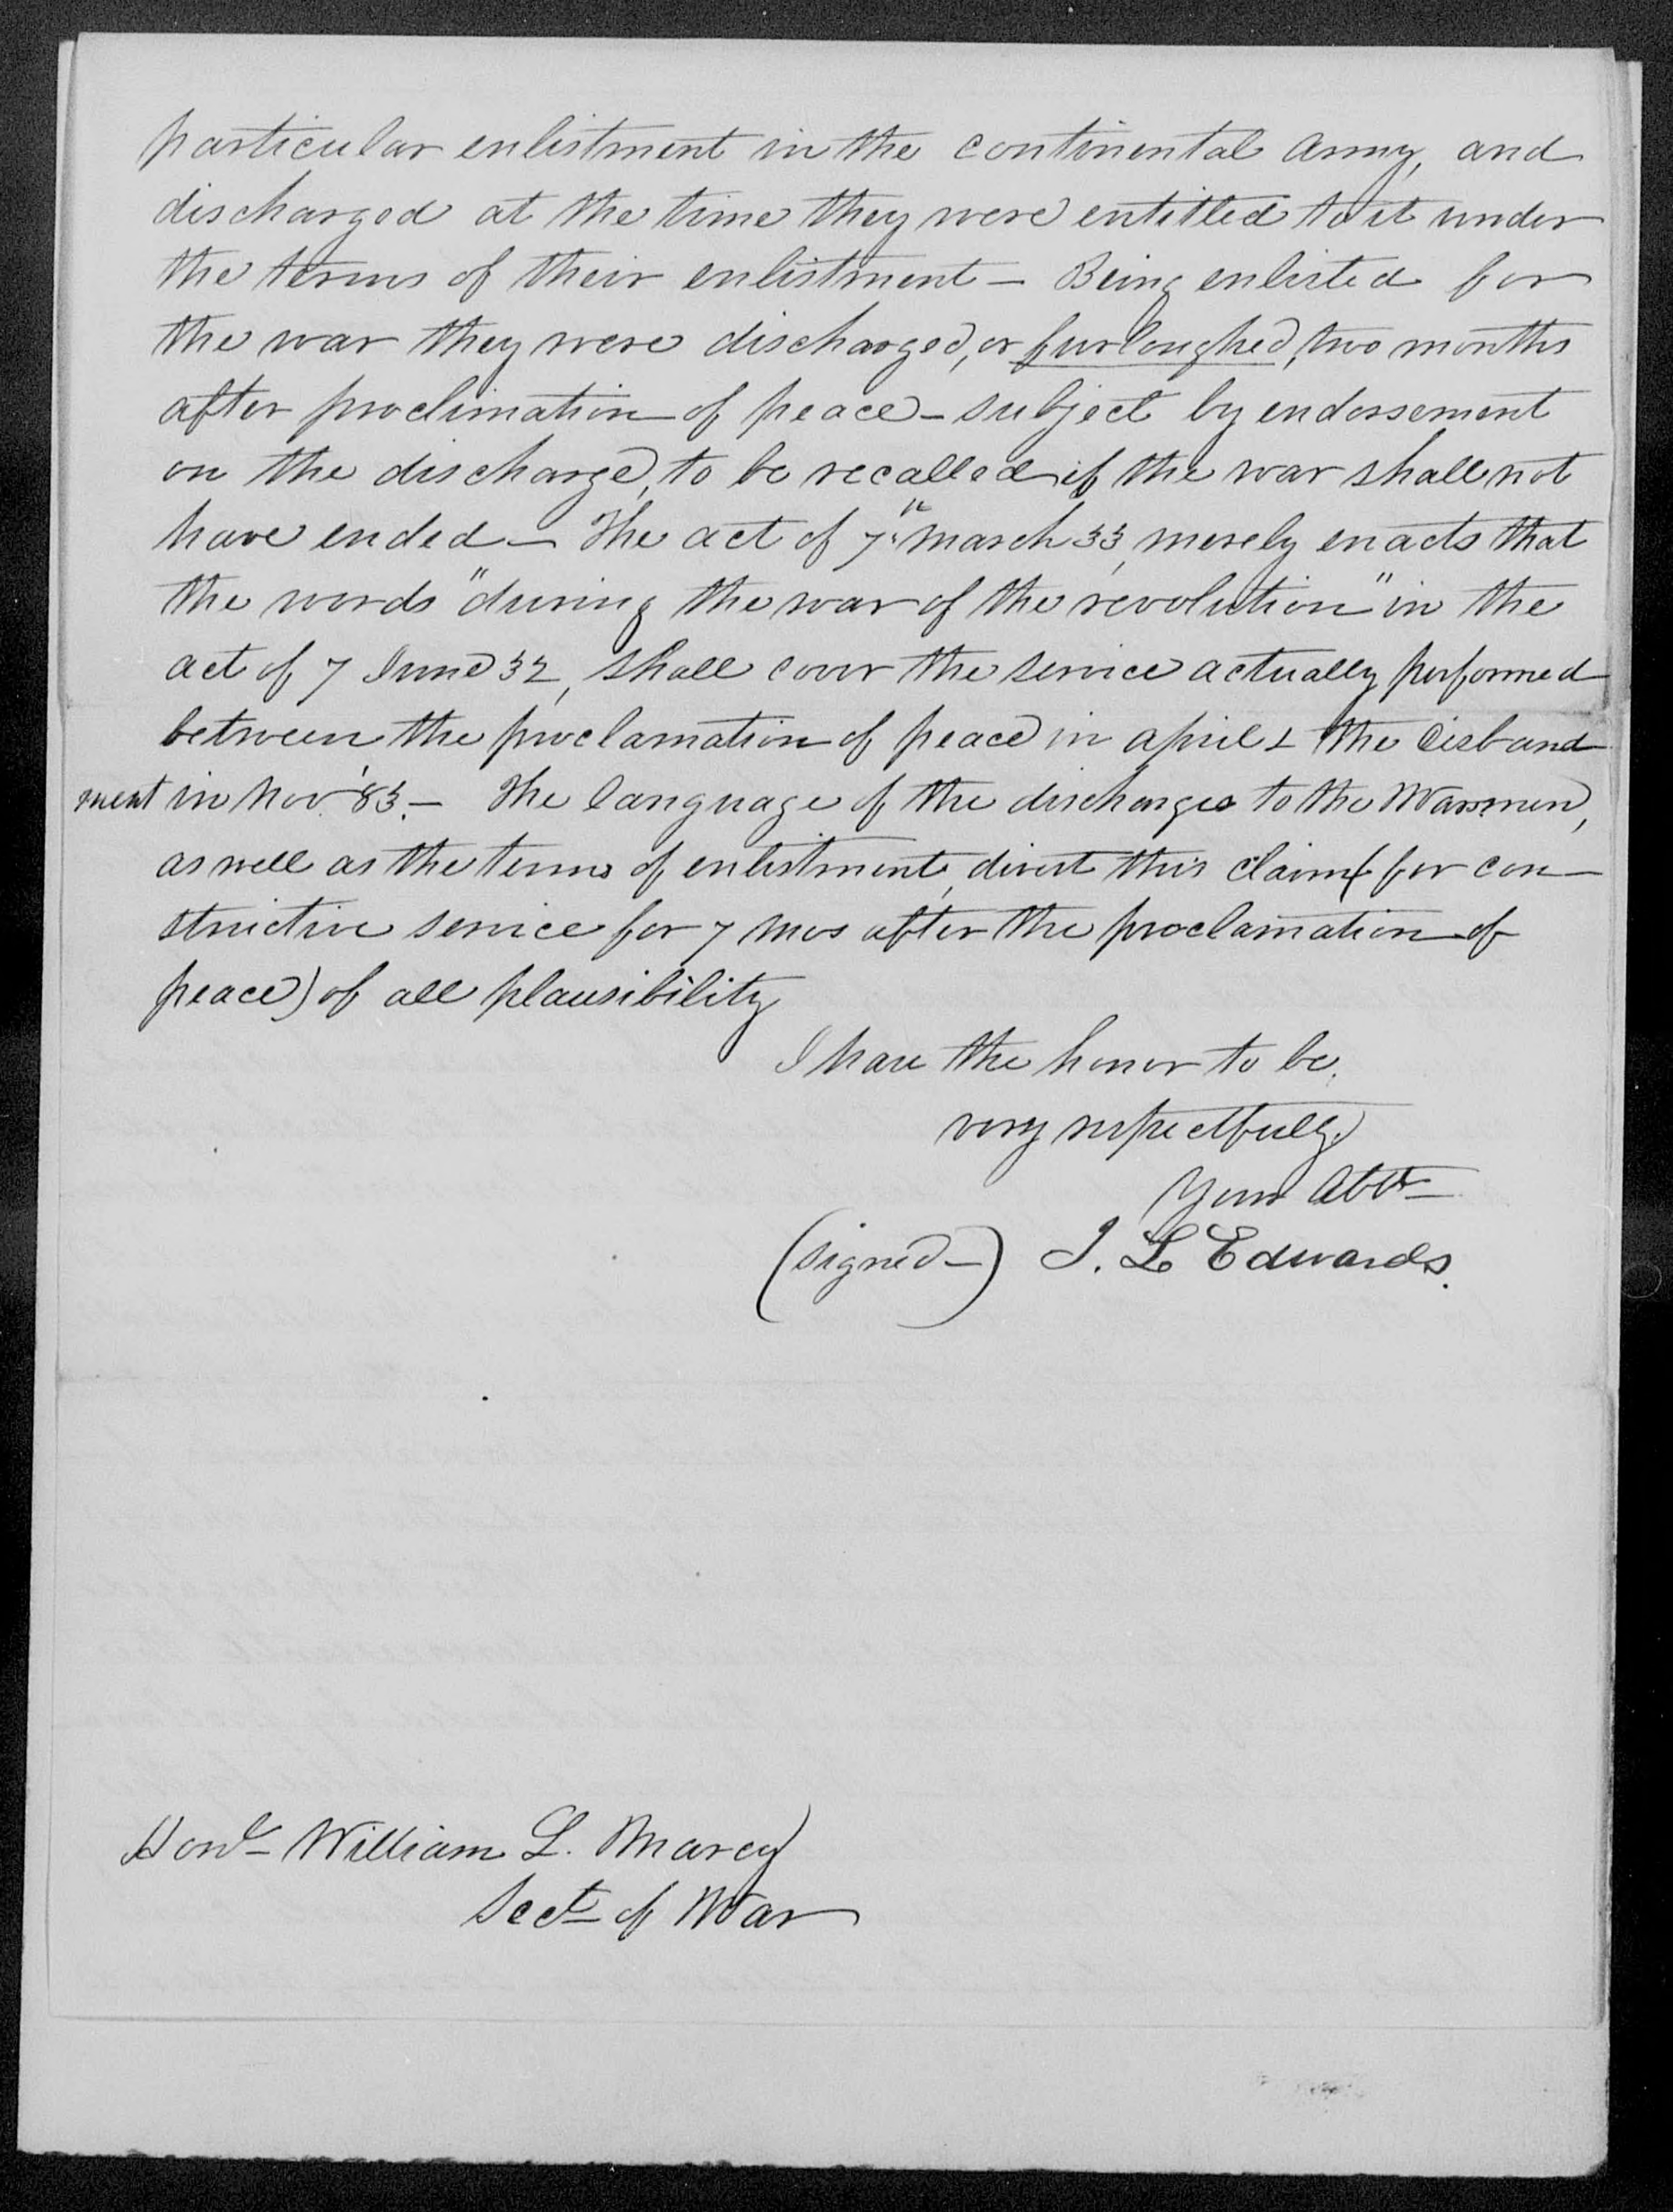particular enlistment in the continental Army, and discharged at the time they were entitled but under the terms of their enlistment - Being enlisted for the war they were discharged, or furloughed, two months after proclamation of peace - subject by endorsement on the discharge, to be recalled if the war shall not have ended ~ The act of 7th March 33, merely enacts that the words "during the war of the revolution" in the act of 7 June 32, shall cover the service actually performed between the proclamation of peace in April & the disbandment in Nov '83 - The language of the discharges to the Warsmen, as well as the terms of enlistment, divert this claim (for constructive service for 7 mos after the proclamation of peace) of all plausibility
I have the honor to be
Very respectfully
Your Obst
(signed-) J. L Edwards.

Honl William L. Marcy
Sect of War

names: William L Marcy, J L Edwards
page: 174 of 267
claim: widow's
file: W. 4,149, William Campbell, Va.